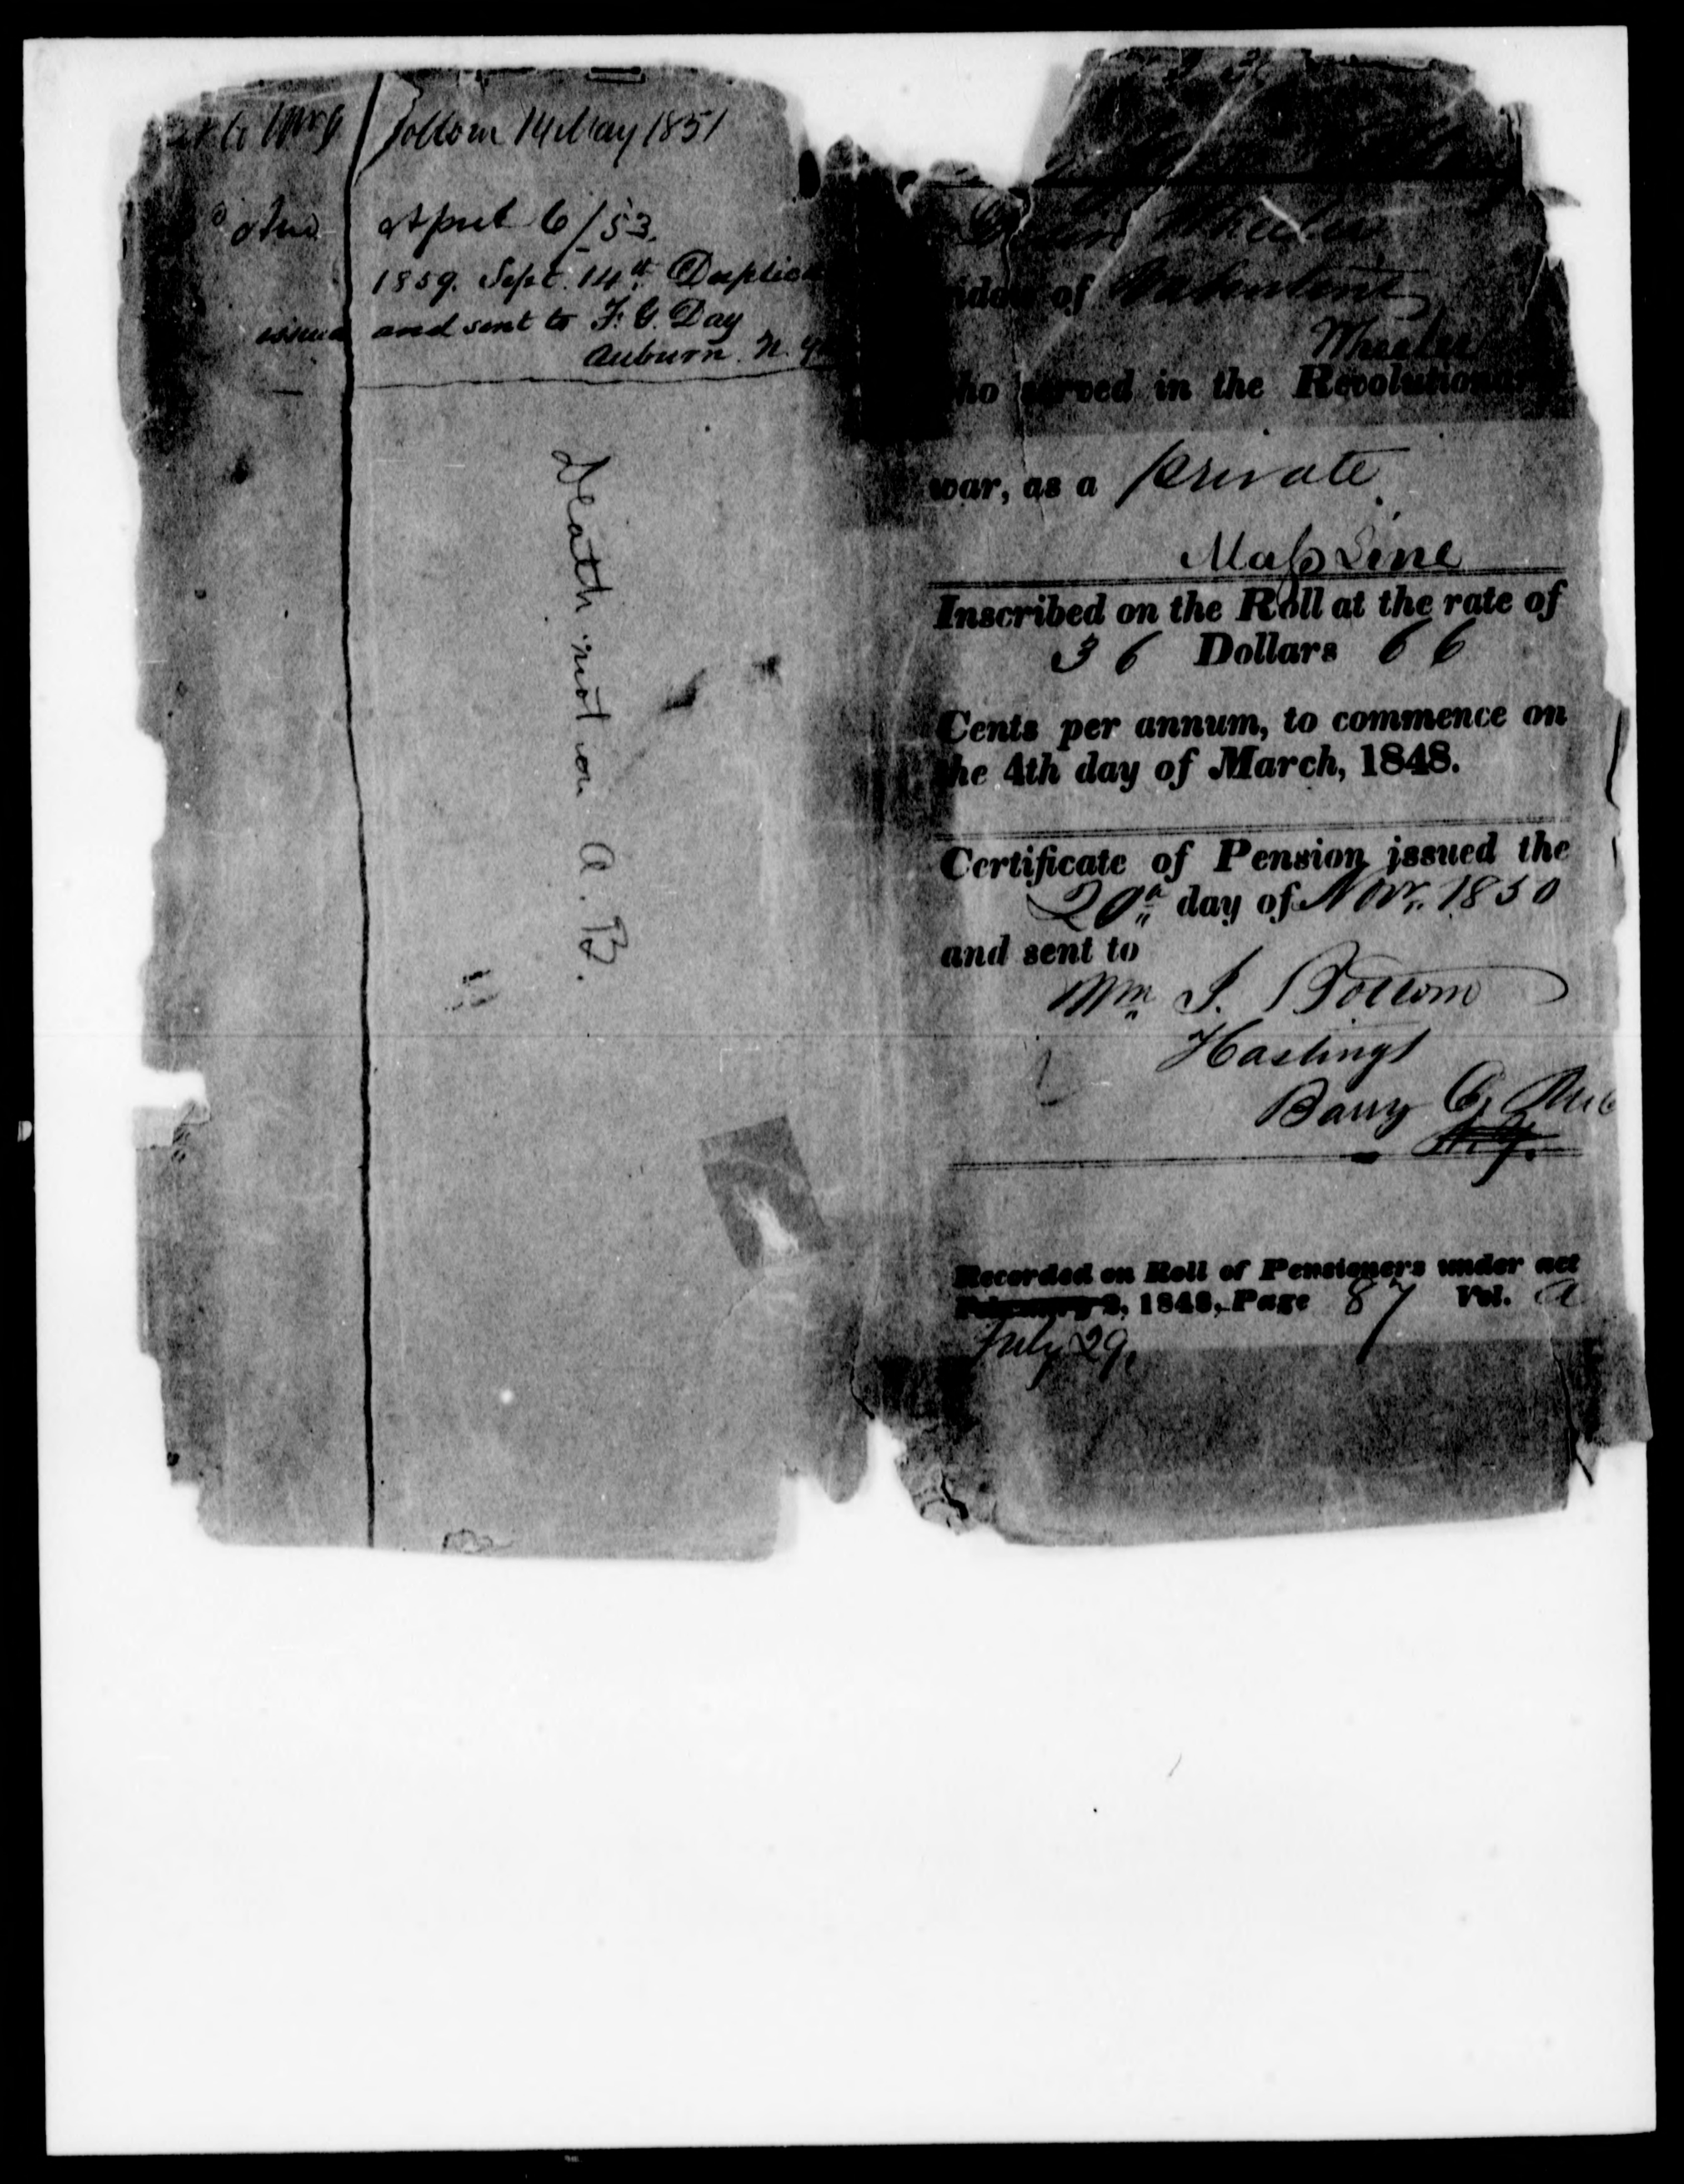(Paper town and faded)
Widow of Valentine Wheeler
who served in the Revolutionary war, as a private
Mass. line
Inscribed on the Roll at the rate of 36 Dollars
66 Cents per annum, to commence on the 4th day of March, 1848
Certificate of Pension issued the 20th day of Nov. 1850 and sent to Wm. J. Bottom, Hastings
Barry C.

Recorded on Roll of Pensioners under act February 2, 1848 Page 87 Vol. A
July 29
death not on A. B. 

Let. to Wm. Bottom 14 May 1851
Aud. April 6/53
1859 Sept 14th Duplicate issued and sent to 
F. G. Day
Auburn N. Y.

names: Desire Wheeler, F G Day, Valentine Wheeler, Wm J Bottom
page: 14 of 98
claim: widow's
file: W. 1682, Valentine Wheeler, Mass.